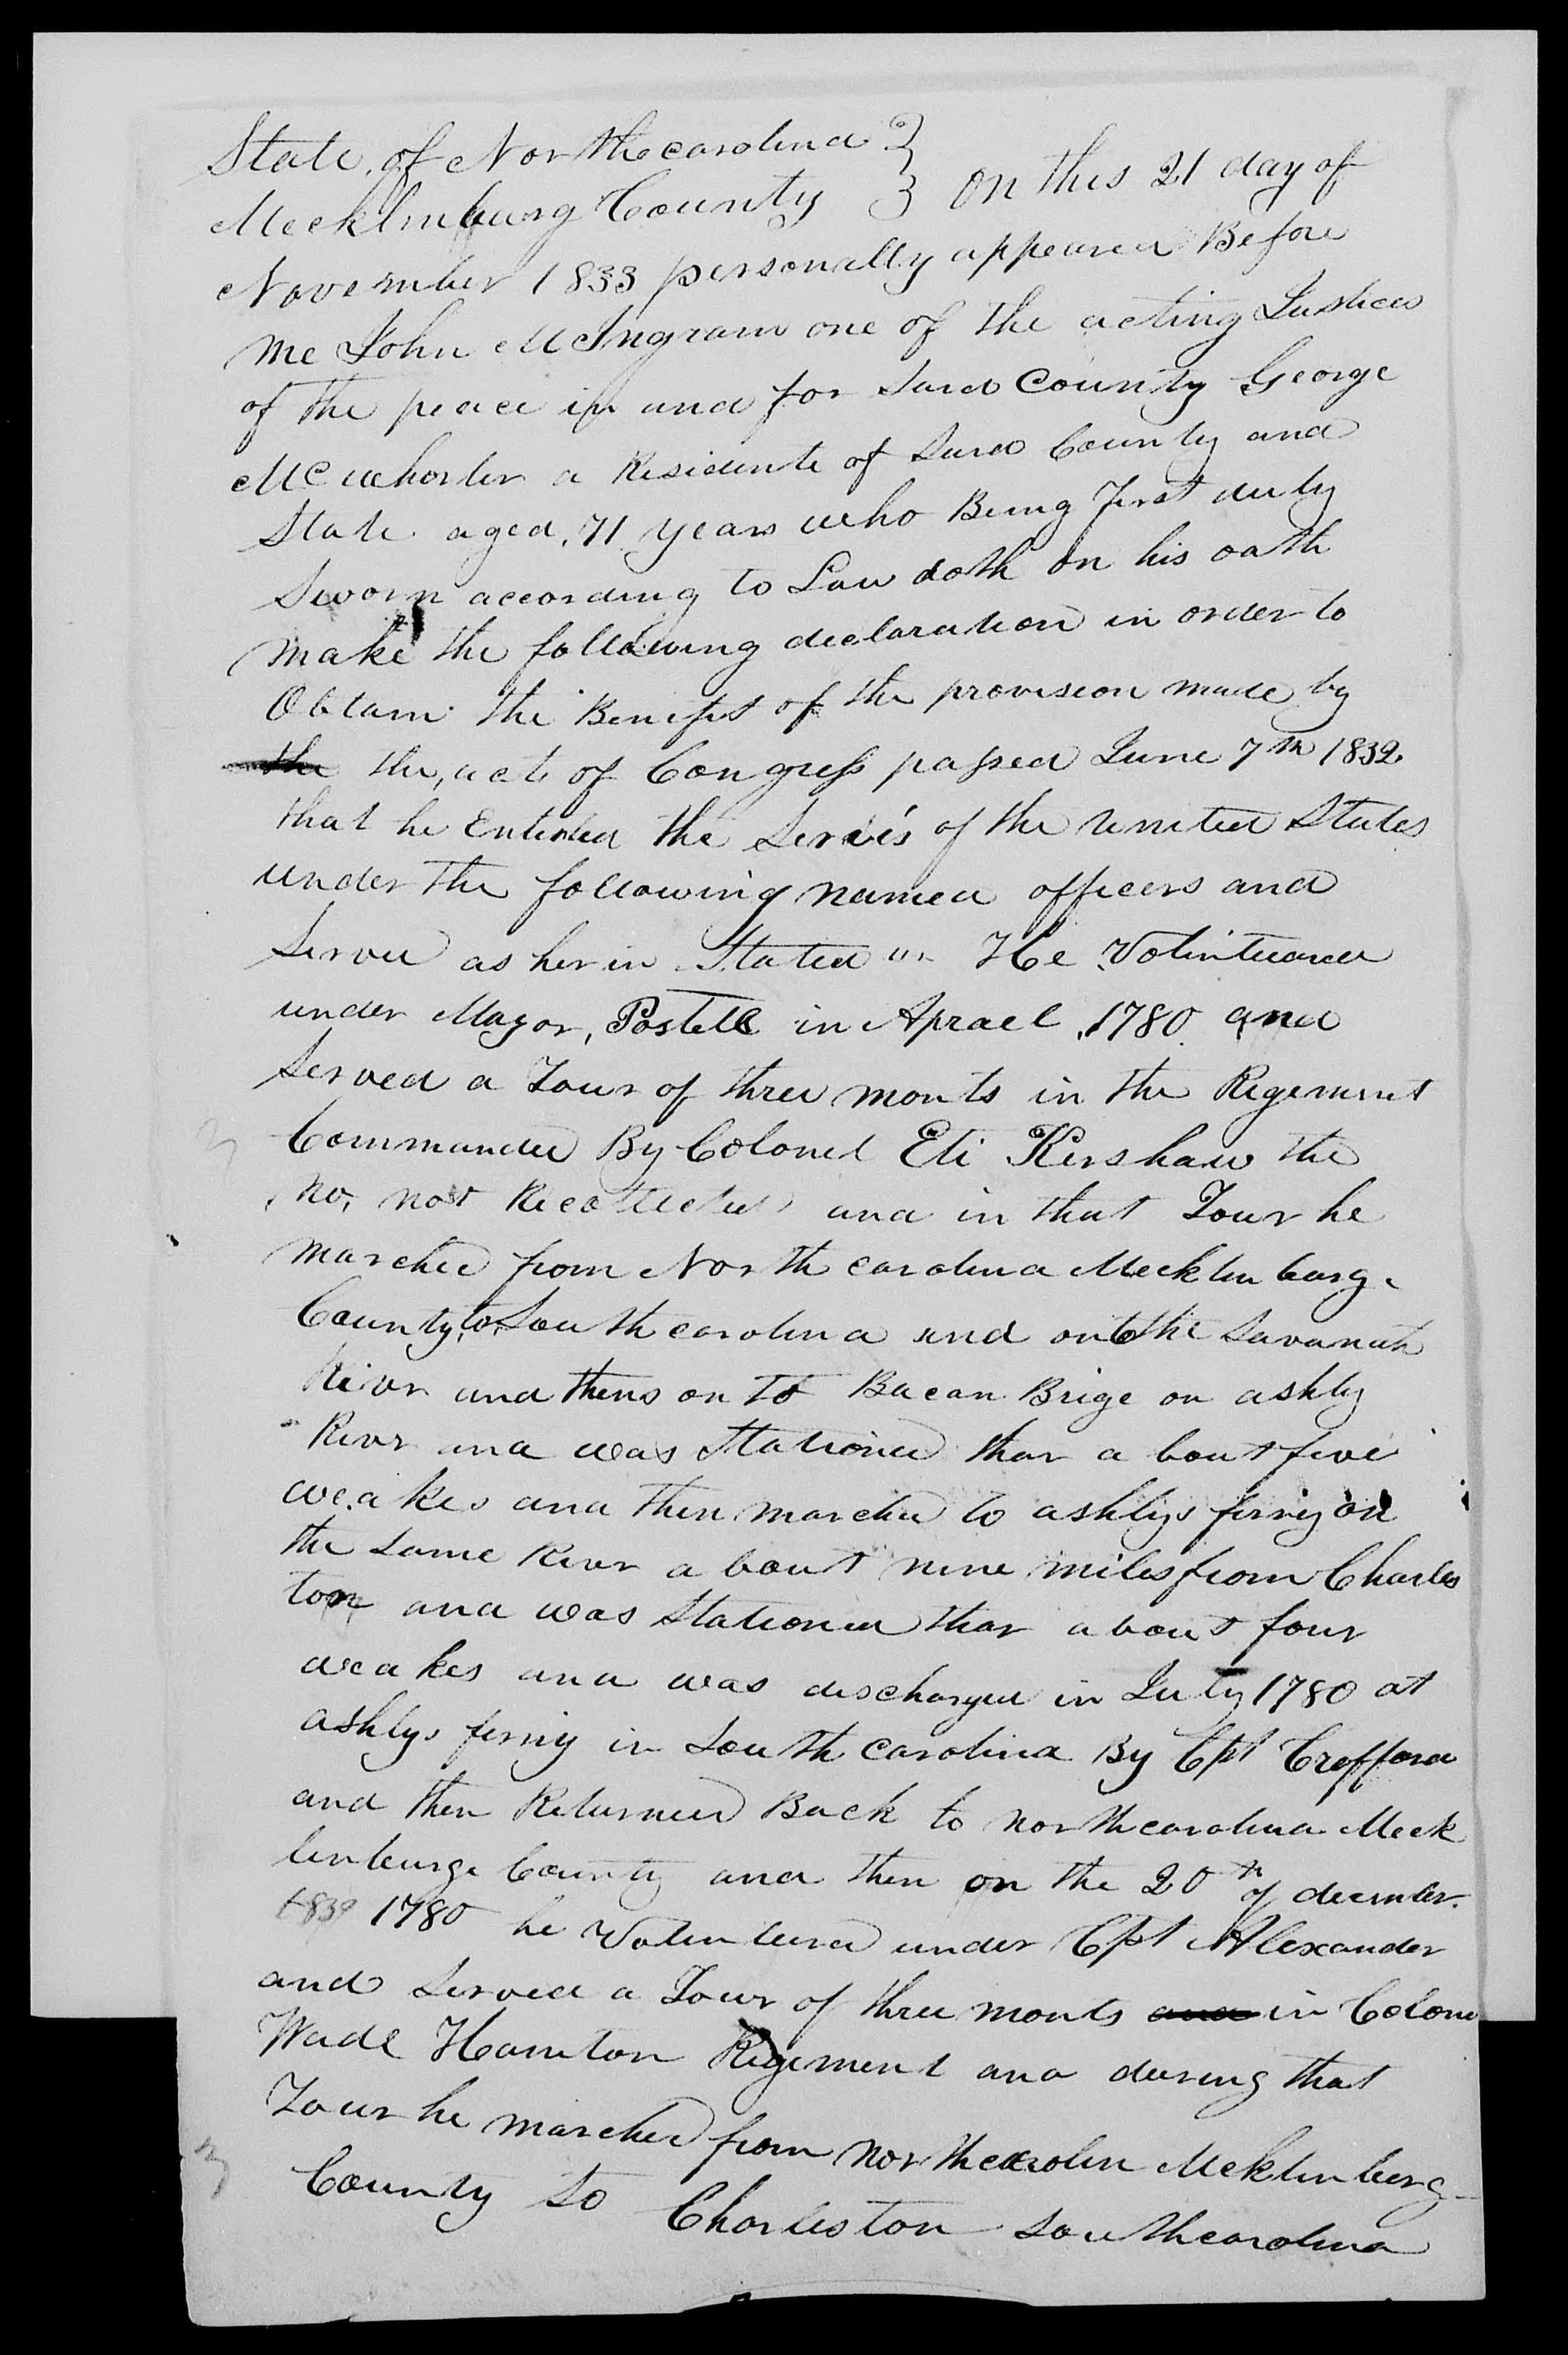[ State of North Carolina Mecklenburg County ] On this 21 day of November 1833 personally appeared before me  John M Ingram one of the acting Justices of the peace in and for said County George McWhorter  a resident of said County and State aged 71 years who being first duly sworn according to law doth on his oath make the following declaration in order to obtain the obtain the benefit of the provision  made by the act of Congress passed  June 7th 1832,that he entered the service of the United States under the following named officers and served as herein stated .. He volunteered under Major Postell in April 1780 and served a tour of three months in the Regiment commanded by Col. Eli Kershaw the no not recollected and in that tour he marched from North Carolina  Mecklenburg County  to South Carolina and  on to the Savannah River and then on to Bacon's Bridge on Ashly River and was stationed there about five weeks and then marched to Ashley's ferry on the same river about nine miles from Charleston and was stationed there about four weeks and was discharged in July 1780 at Ashley's ferry in South Carolina by Capt Crawford  and then returned back to North Carolina Mecklenburg County  and then on the 20th December 1780 he volunteered under Capt. Alexander and served a tour of three months in Colonel Wade Hampton  Regiment and during that tour he marched from North Carolina Mecklenburg County to Charleston South Carolina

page: 26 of 35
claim: survivor's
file: S. 9,011, for George Mc Whorter, North Carolina